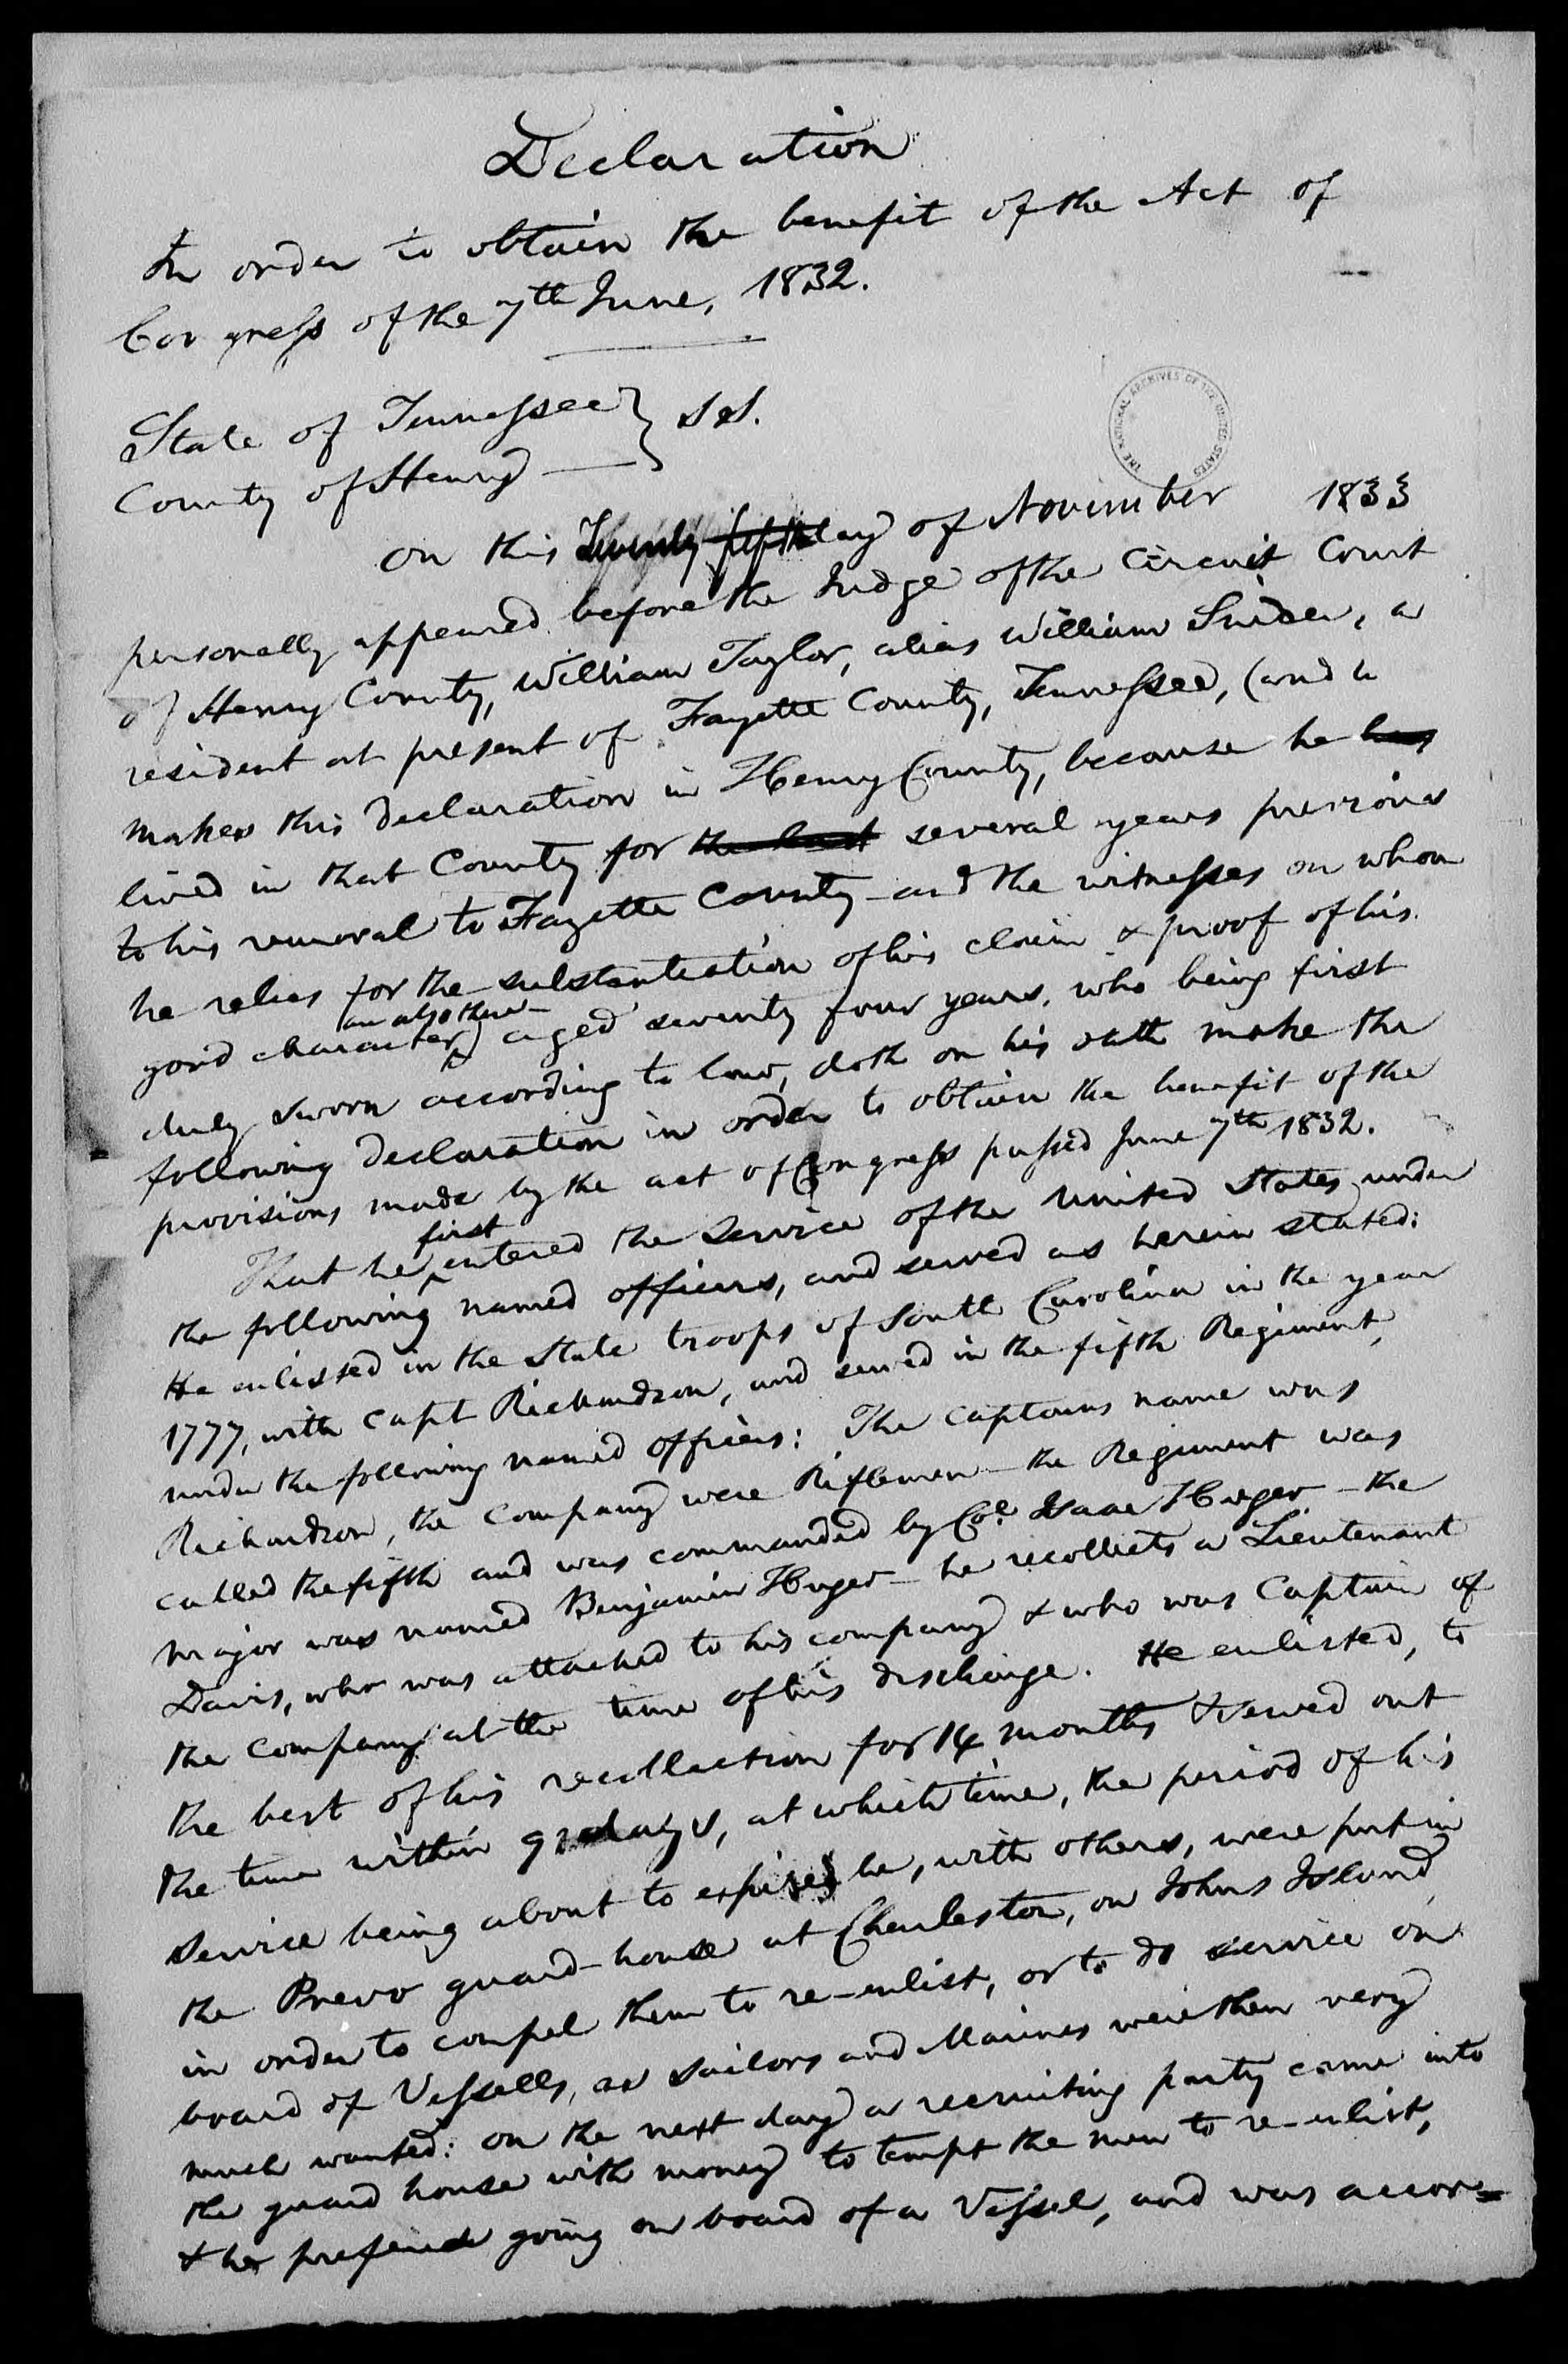[stamp] THE NATIONAL ARCHIVES OF THE UNITED STATES
Declaration
In order to obtain the benefit of the Act of Congress of the 7th June, 1832.
State of Tennessee
County of Henry SS.
On this Twenty fifth day of November 1833 personally appeared before the Judge of the Circuit Court of Henry County, William Taylor alias William Snider, a resident at present of Fayette County, Tennessee, (and he makes this declaration in Henry County, because he lived in that County for several years previous  to his removal to Fayette County and the witnesses on whom he relies for the substantiation of his claim & proof of his good character are also there) aged seventy four years, who being first duly sworn according to law, doth on his oath make the following declaration in order to obtain the benefit of the provisions made by the act of Congress passed June 7th 1832.
That he first entered the service of the United States under the following named officers, and served as herein stated: He enlisted in the State troops of South Carolina in the year 1777, with Capt. Richardson, and served in the fifth Regiment, under the following named officers: The captains name was Richardson, the company were riflemen, the Regiment was called the fifth and was commanded by Col. Isaac Huger, the Major was named Benjamin Huger - he recollects a Lieutenant Davis, who was attached to his company & who was captain of the company at the time of his discharge. He enlisted, to the best of his recollection, for 14 months & served out the time within 9 days, at which time, the period of his service being about to expire he, with others, were put in a Prevo guard house at Charleston, on Johns Island, in order to compel them to re-enlist, or to do service on board of Vessells, as sailors and Marines were then very much wanted: on the next day a recruiting party came into the guard house with money to tempt the men to re-enlist, & he preferred going on board of a vessel, and was accord-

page: 5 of 33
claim: rejected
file: R 10439, for William Taylor, North Carolina